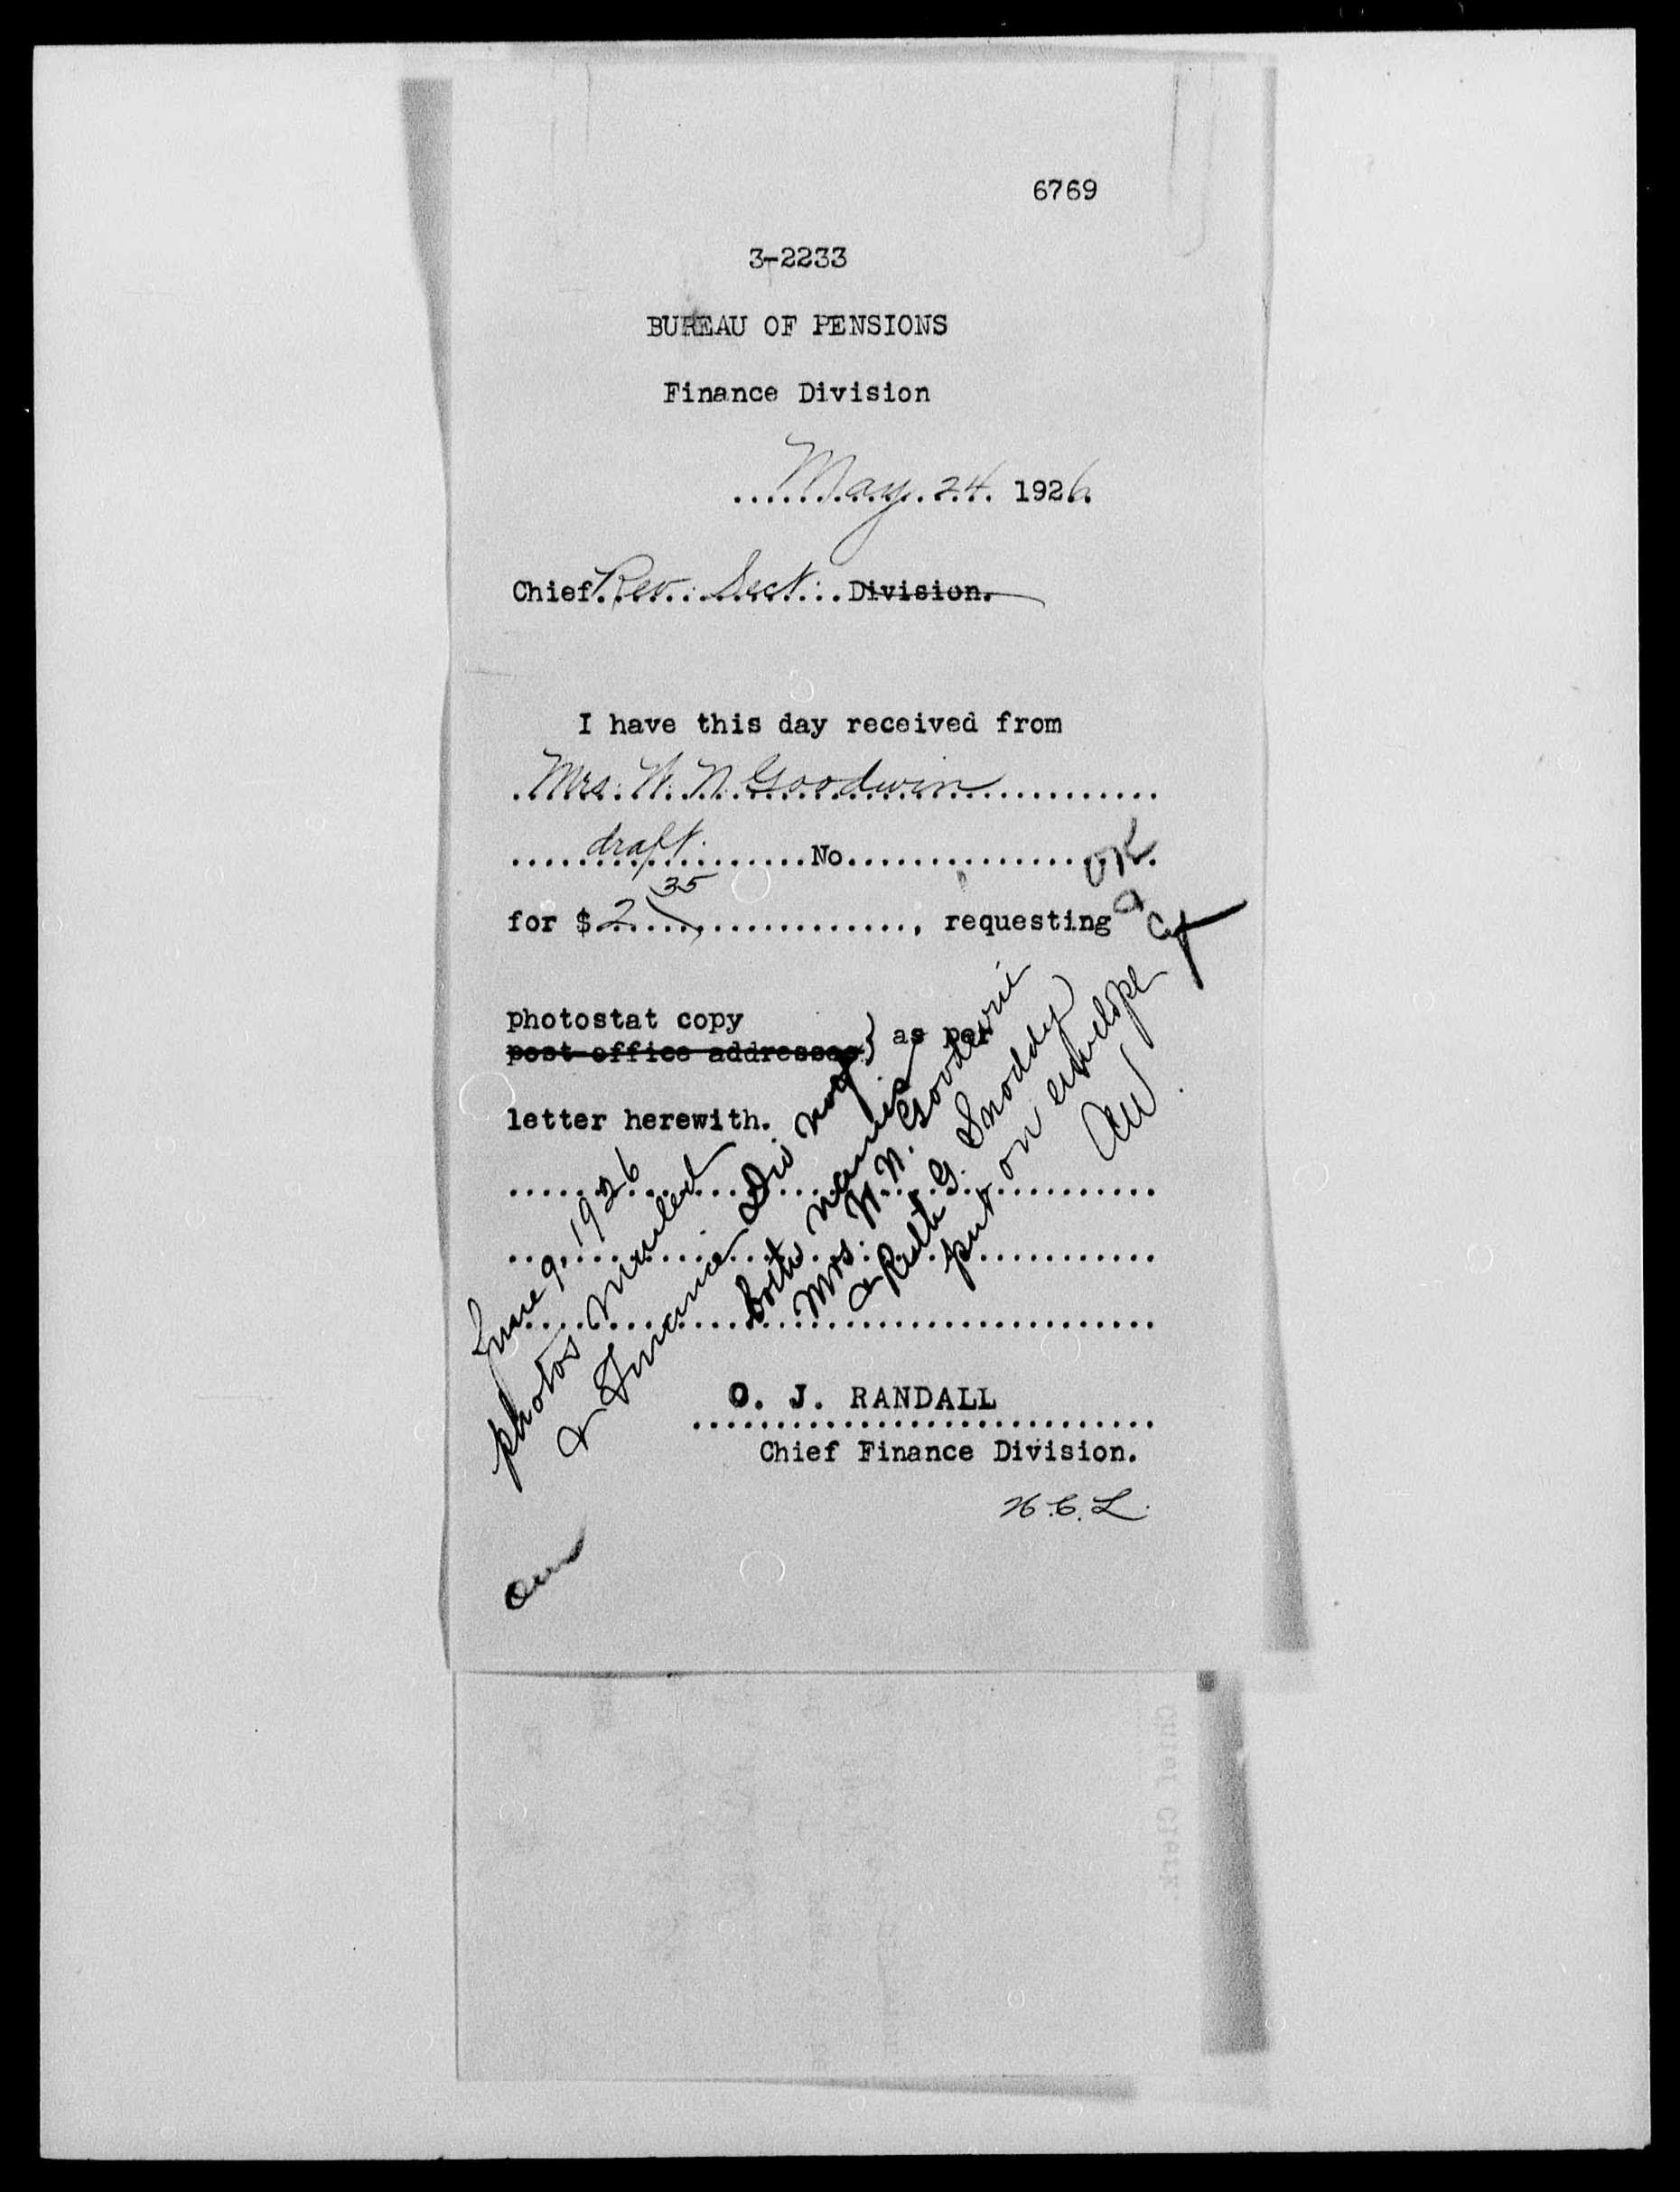6769
3-2233
BUREAU OF PENSIONS
Finance Division
May 24 1926
Chief Rev Sect (Division crossed out)

I have this day received from
Mrs. W. N. Goodwin
Draft   No
For $2.35, requesting  (handwritten: OK & Cf)
Photostat copy} as per
Letter herewith.

(handwritten- left side)
June 9, 1926 photos mailed & Finance

(handwritten in darker ink)
Div regr
both names
Mrs. W. N. Goodwin
& Ruth G. Snoddy
Put on envelope
AW

O. J. RANDALL
Chief Finance Division.
NCL

aw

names: W N Goodwin, O J Randall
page: 39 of 47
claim: survivor's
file: S. 3102, Frederick Burket, Va.